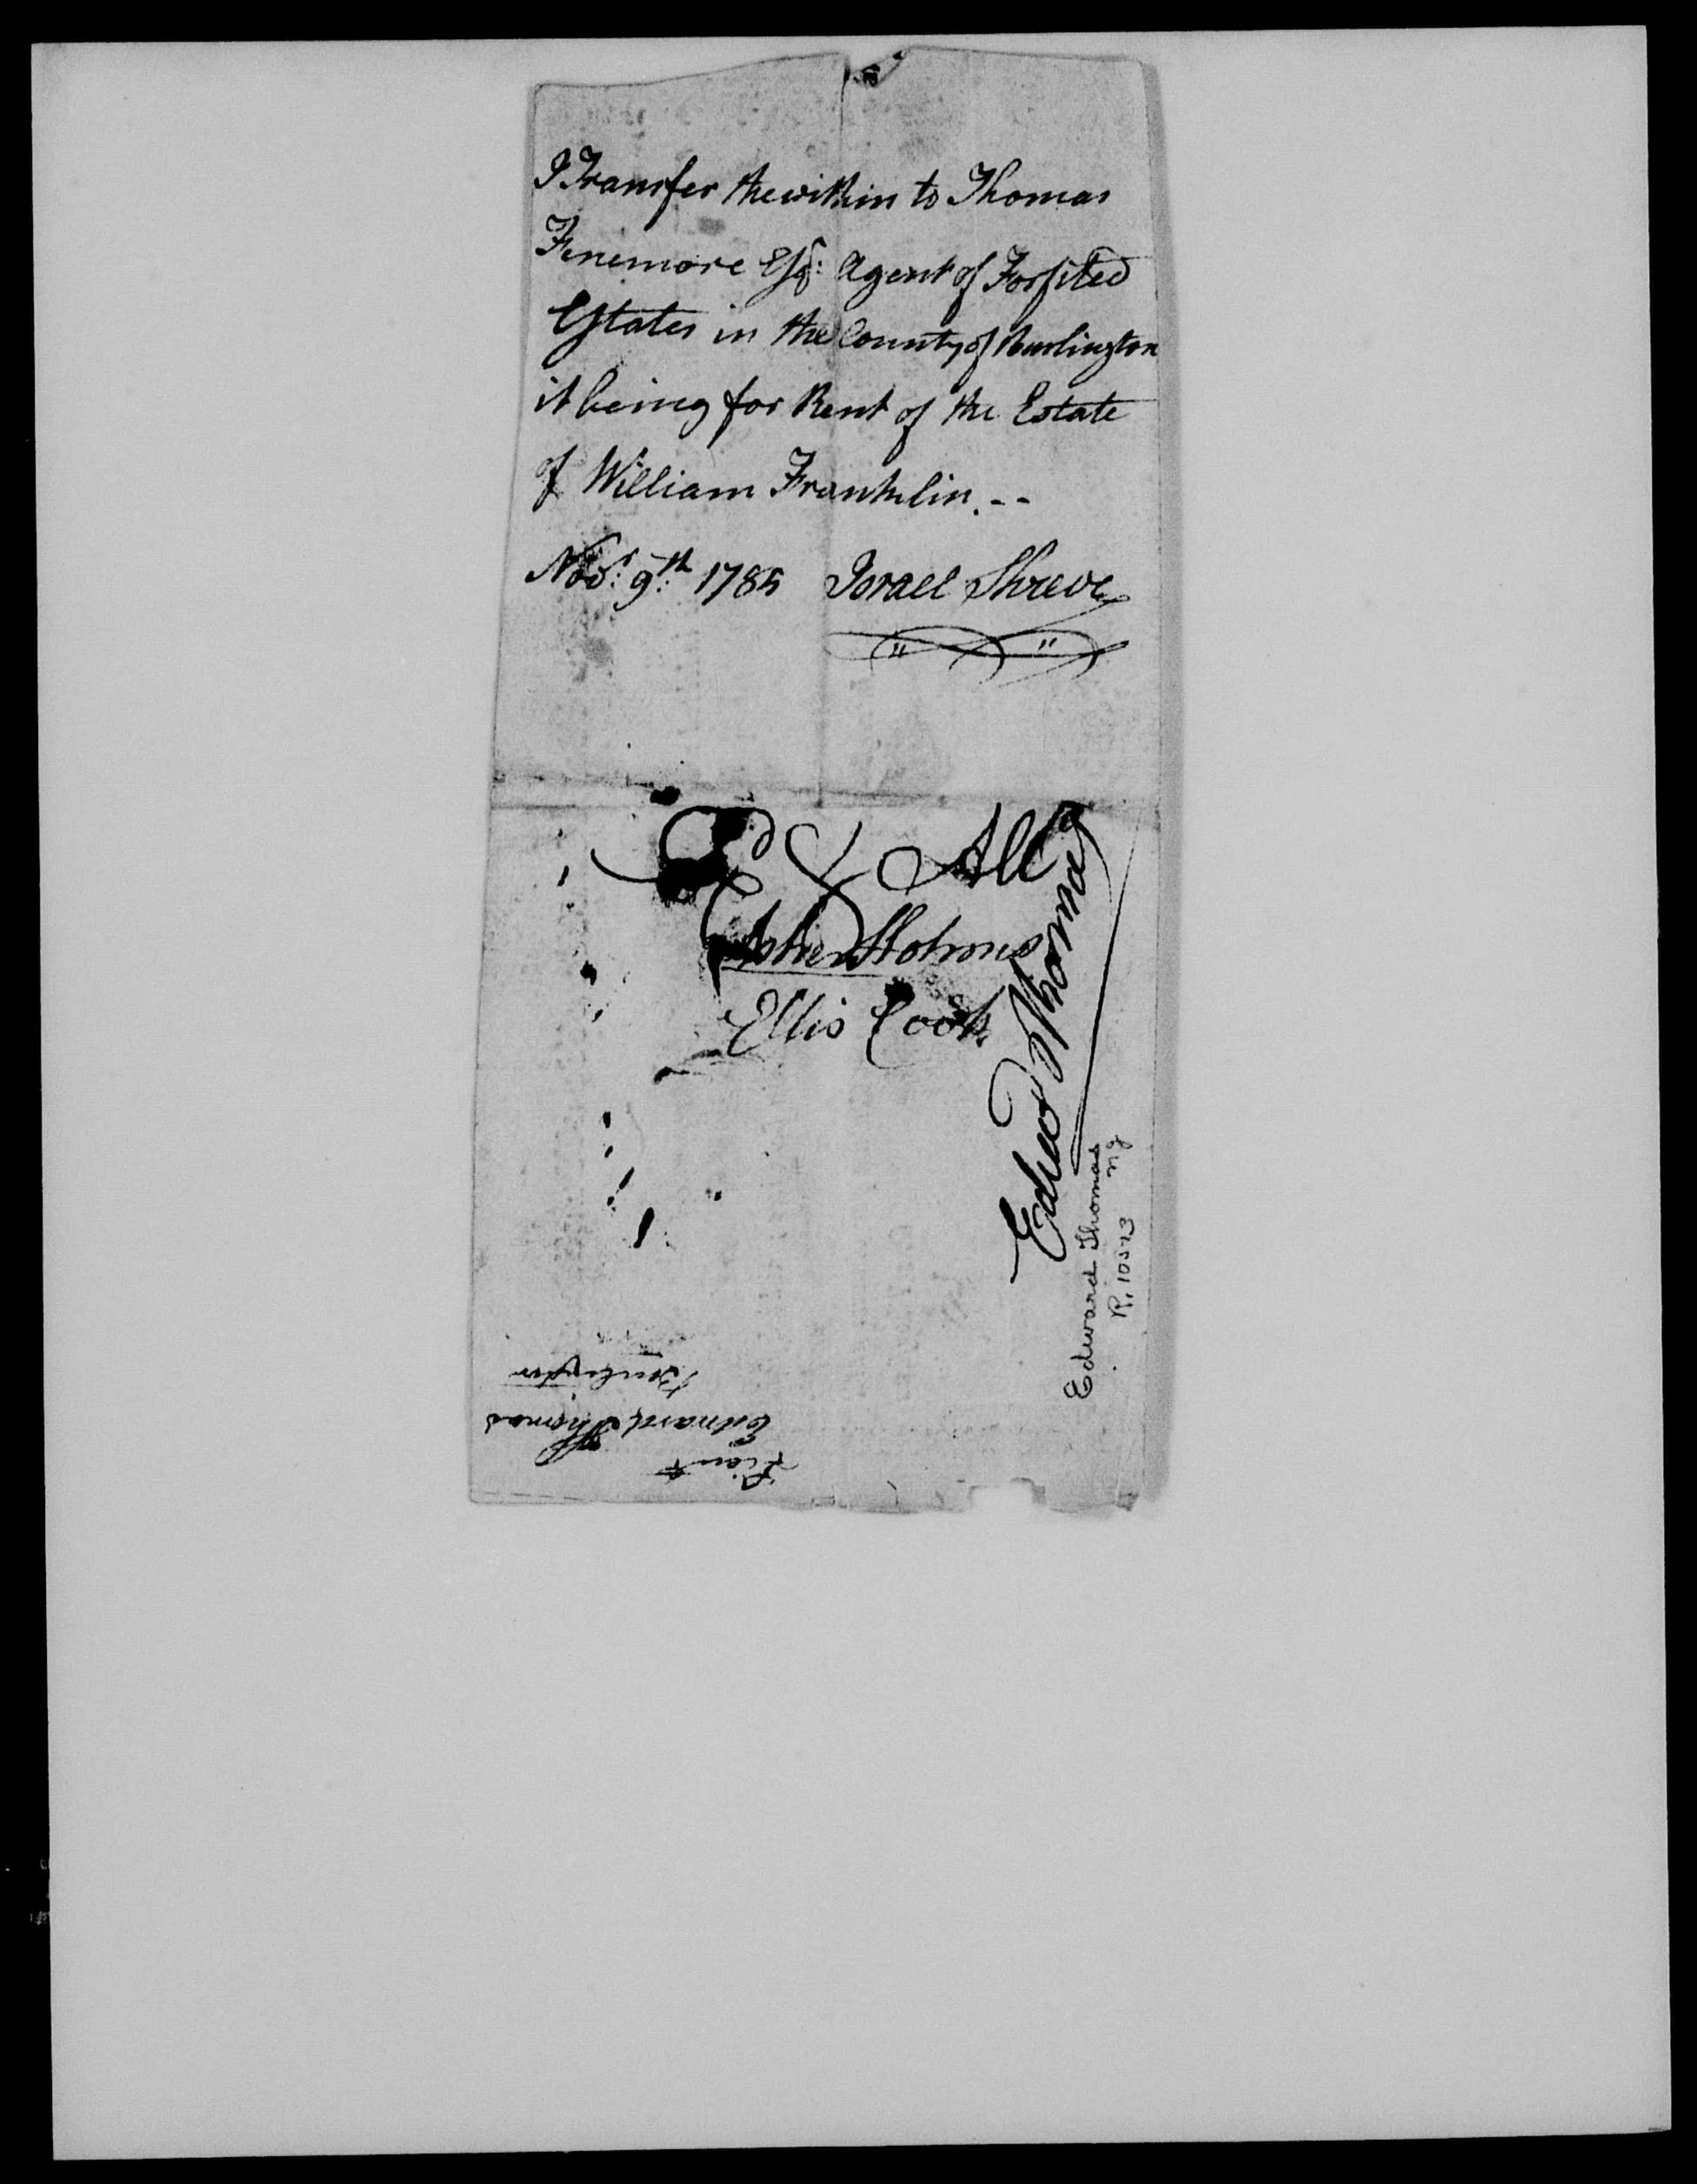I transfer the within to Thomas Fenimore Esq Agent of Forfited Estates in the county of Burlington it being for rent of the Estate of William Franklin
Nov 9th 1785
Israel Shreve


E.S. All
[illegible]
Ellis Cook
Edward Thomas

Edward Thomas N.J.
R. 105-13
Lieut. Edward Thomas 
Burlington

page: 14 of 25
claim: rejected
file: R. 10513, for Edward Thomas, New Jersey